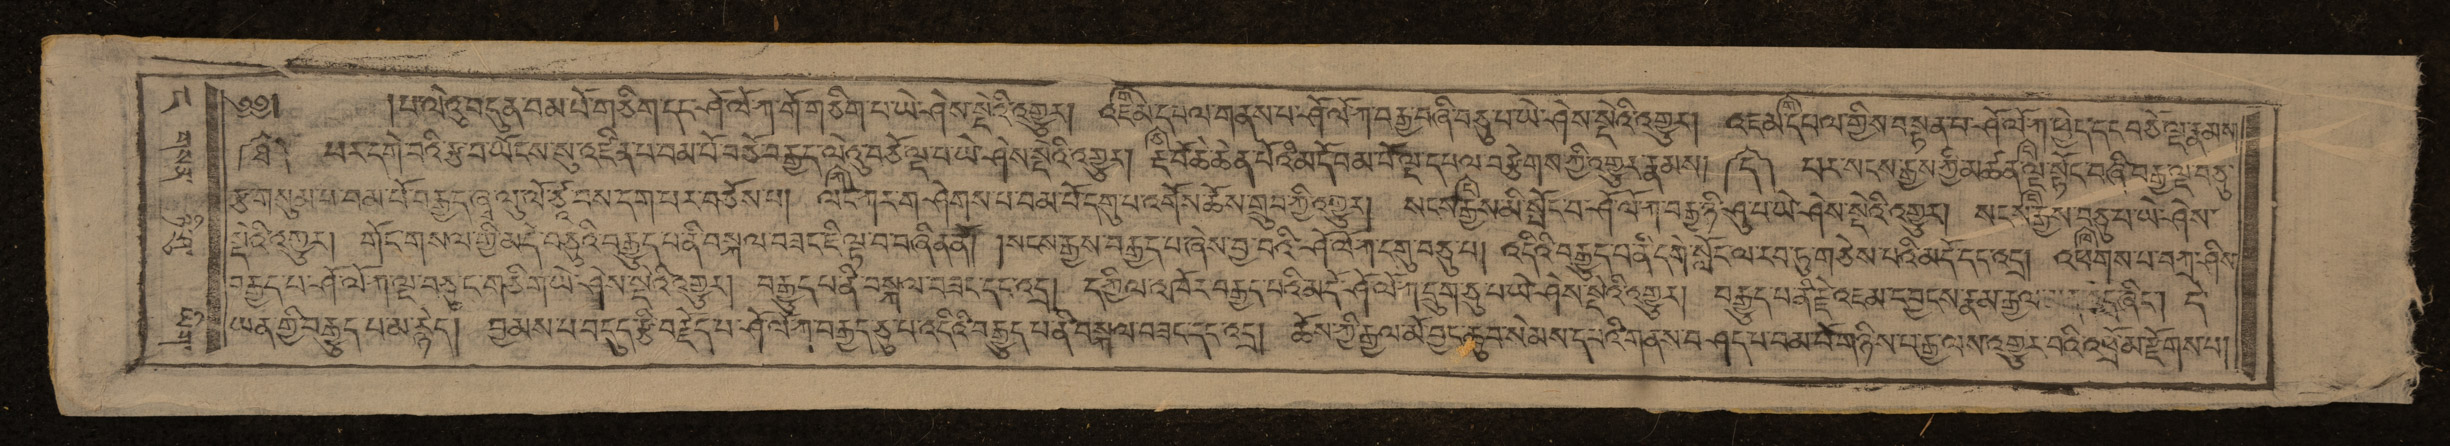༄༅། །བ་ལེའུ་བདུན་བམ་པོ་གཅིག་དང་ཤོ་ལོ་ཀ་གོ་གཅིག་པ་ཡེ་ཤེས་སྡེའི་འགྱུར། འཇམ་དཔལ་གནས་པ་ཤོ་ལོ་ཀ་བརྒྱ་བཞི་བཅུ་པ་ཡེ་ཤེས་སྡེའི་འགྱུར། འཇམ་དཔལ་གྱིས་བསྟན་པ་ཤོ་ལོ་ཀ་ཕྱེད་དང་བཅོ་ལྔ་རྣམས་
{ཐ}་བར་དགེ་བའི་རྩ་བ་ཡོངས་སུ་འཛིན་པ་བམ་པོ་བཅོ་བརྒྱད་ལེའུ་བཅོ་ལྔ་པ་ཡེ་ཤེས་སྡེའི་འགྱུར། རྔ་བོ་ཆེ་ཆེན་པོའི་མདོ་བམ་བོ་ལྔ་དཔལ་བརྩེགས་ཀྱི་འགྱུར་རྣམས། {ད}་པར་སངས་རྒྱས་ཀྱི་མཚན་ལྔ་སྟོང་བཞི་བརྒྱ་ལྔ་བཅུ་
རྩ་གསུམ་པ་བམ་པོ་བརྒྱད་ཞྭ་ལུ་ལོ་ཙཱ་བས་དག་པར་བཅོས་པ། ལང་ཀར་གཤེགས་པ་བམ་པོ་དགུ་བ་འགོས་ཆོས་གྲུབ་ཀྱི་འགྱུར། སངས་རྒྱས་མི་སྤོང་བ་ཤོ་ལོ་ཀ་བརྒྱ་ཉི་ཤུ་བ་ཡེ་ཤེས་སྡེའི་འགྱུར། སངས་རྒྱས་བཅུ་པ་ཡེ་ཤེས་
སྡེའི་འགྱུར། གོང་གསལ་གྱི་མདོ་བཅུའི་བརྒྱུད་པ་ནི་བསྐལ་བཟང་ཇི་ལྟ་བ་བཞིན་ནོ། །སངས་རྒྱས་བརྒྱད་པ་ཞེས་བྱ་བའི་ཤོ་ལོ་ཀ་དགུ་བཅུ་པ། འདིའི་བརྒྱུད་པ་ནི་དགེ་སློང་ལ་རབ་ཏུ་གཅེས་པའི་མདོ་དང་འདྲ། འཕགས་པ་བཀྲ་ཤིས་
བརྒྱུད་པ་ཤོ་ལོ་ཀ་ལྔ་བཅུར་གཅིག་ཡེ་ཤེས་སྡེའི་འགྱུར། བརྒྱུད་པ་ནི་བསྐལ་བཟང་དང་འདྲ། དཀྱིལ་འཁོར་བརྒྱད་པའི་མདོ་ཤོ་ལོ་ཀ་དྲུག་ཅུ་པ་ཡེ་ཤེས་སྡེའི་འགྱུར། བརྒྱུད་པ་ནི་རྗེ་འཇམ་དབྱངས་རྣམ་རྒྱལ་མན་འདྲ་ཞིང་། དེ་
བ་ན་བྱིར་རྒྱུད་པའི་རྙེད། བྱམས་པ་བདུད་རྩི་བརྗོད་པ་ཤོ་ལོ་ཀ་བརྒྱད་ཅུ་བ་འདིའི་བརྒྱུད་པ་ནི་བསྐལ་བཟང་དང་འདྲ། ཆོས་ཀྱི་རྒྱལ་མོ་བྱང་ཆུབ་སེམས་དཔའི་གནས་བཤད་པ་བམ་པོ་གཉིས་བརྒྱ་ལས་འགྱུར་བའི་འཕྲོ་མ་རྫོགས་པ།